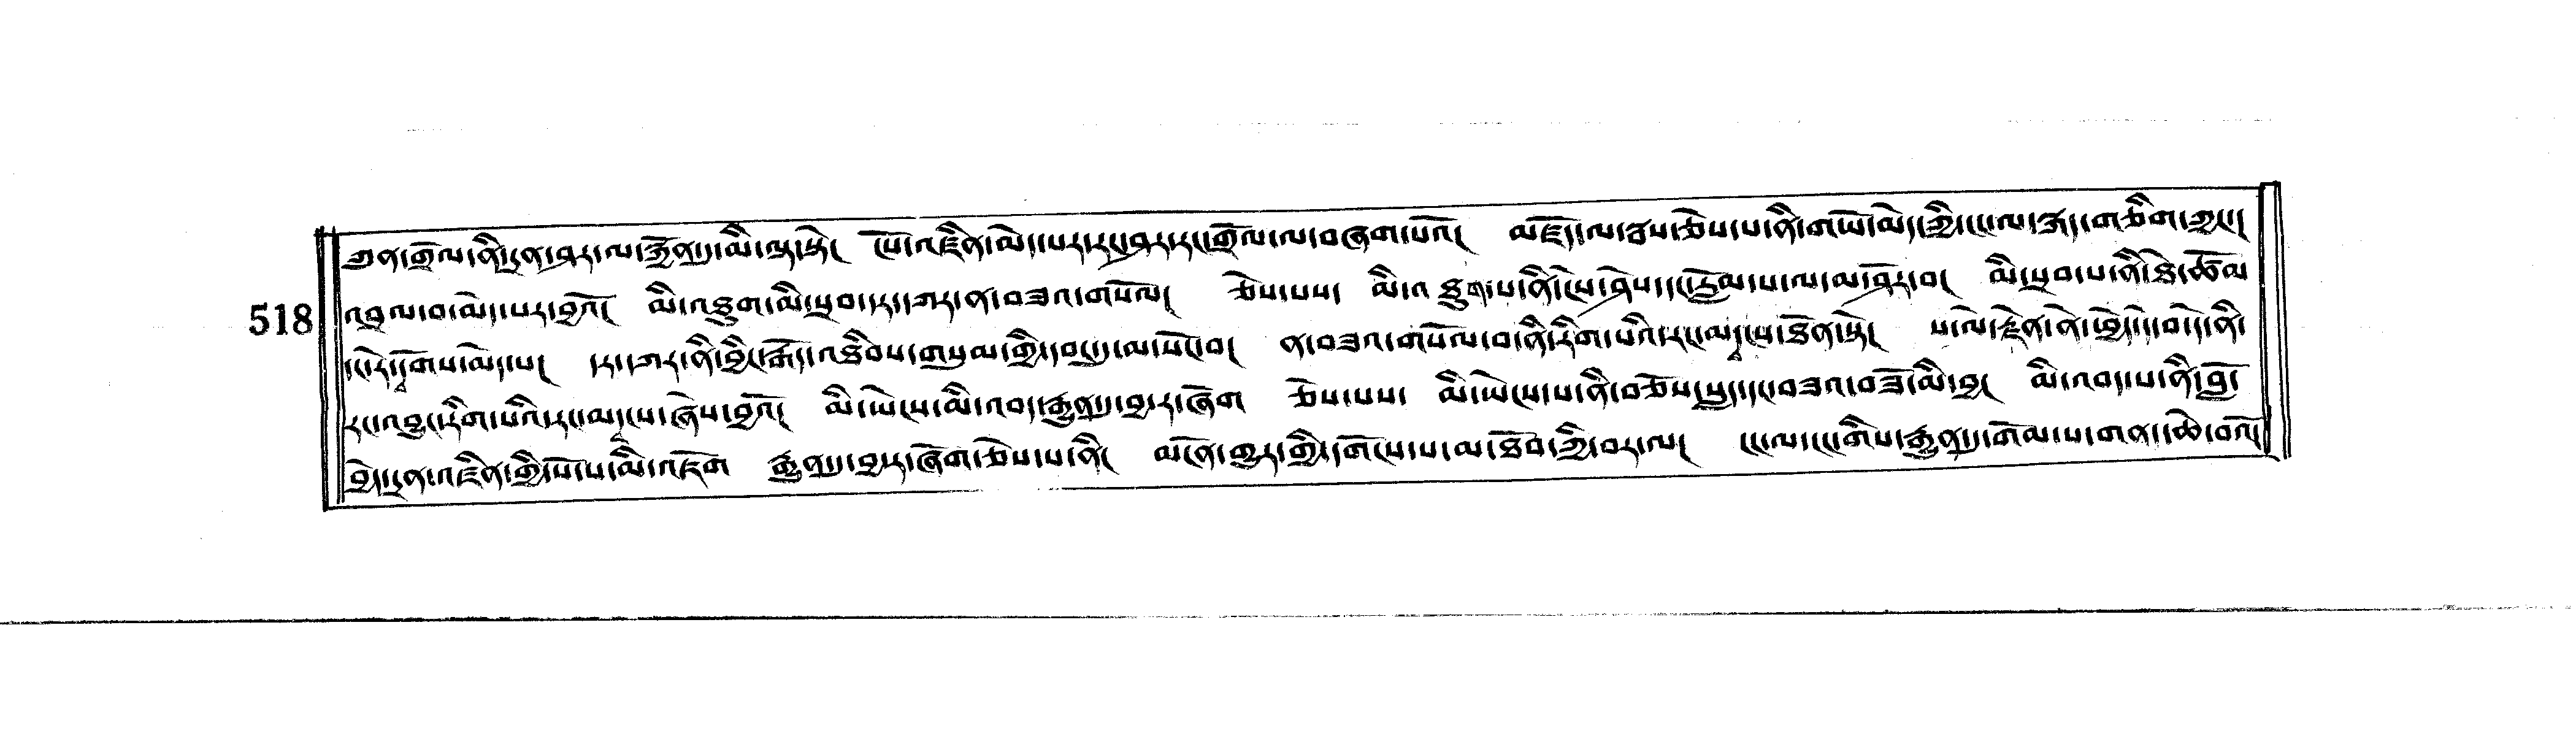ཀུན་གྲོལ་ནི་དྲན་ཤར་ལ་སྐྱོན་དུ་མི་བལྟ་སྟེ། ངོས་འཛིན་མེད་པར་རང་ཤར་རང་གྲོལ་ལ་བཞག་པའོ། མཛོད་ལ་སྦས་ཞེས་པ་ནི་གཡོ་མེད་ཀྱི་ངང་ལ་སྐད་ཅིག་ཀྱང་
འབྲལ་བ་མེད་པར་བྱའོ། མི་འཐུག་མི་སྲབ་དར་དཀར་ན་བཟའ་གསོལ། ཅེས་པས། མི་འཐུག་པ་ནི་ངེས་ཤེས་དང་རློམ་པ་ལ་མ་ཤོར་བ། མི་བསྲབ་པ་ནི་ཐེ་ཚོམ་
དང་རེ་དྭོགས་མེད་པ། དར་དཀར་ནི་བྱིང་རྒོད་འཐིབས་གསུམ་གྱི་དབང་དུ་མ་སོང་བ། ན་བཟའ་གསོལ་བ་ནི་རིག་པའི་རང་མདངས་ཐོན་ཏེ། སལེ་ལྗེན་ནེ་ཕྱོད་དེ་བ་དེ་ནི་
རང་འབྱུང་རིག་པའི་རང་མདངས་ཞེས་བྱའོ། མི་ཡེངས་མི་འབད་རྒྱུན་དུ་བྱ་ར་ཞོག ཅེས་པས། མི་ཡེངས་པ་ནི་བཅོས་སླད་དང་བཟའ་བཟོ་མི་བྱ། མི་འབད་པ་ནི་བློ་
བྱེད་དྲན་འཛིན་གྱི་སོ་པ་མི་འཇོག རྒྱུན་དུ་བྱ་ར་ཞོག་ཅེས་པ་ནི། མངོན་གྱུར་གྱི་དགོངས་པ་མ་ཐོབ་ཀྱི་བར་ལ་ངང་ལ་ངང་གིས་རྒྱུན་དུ་གོམས་པ་གནད་ཆེ་བའོ།